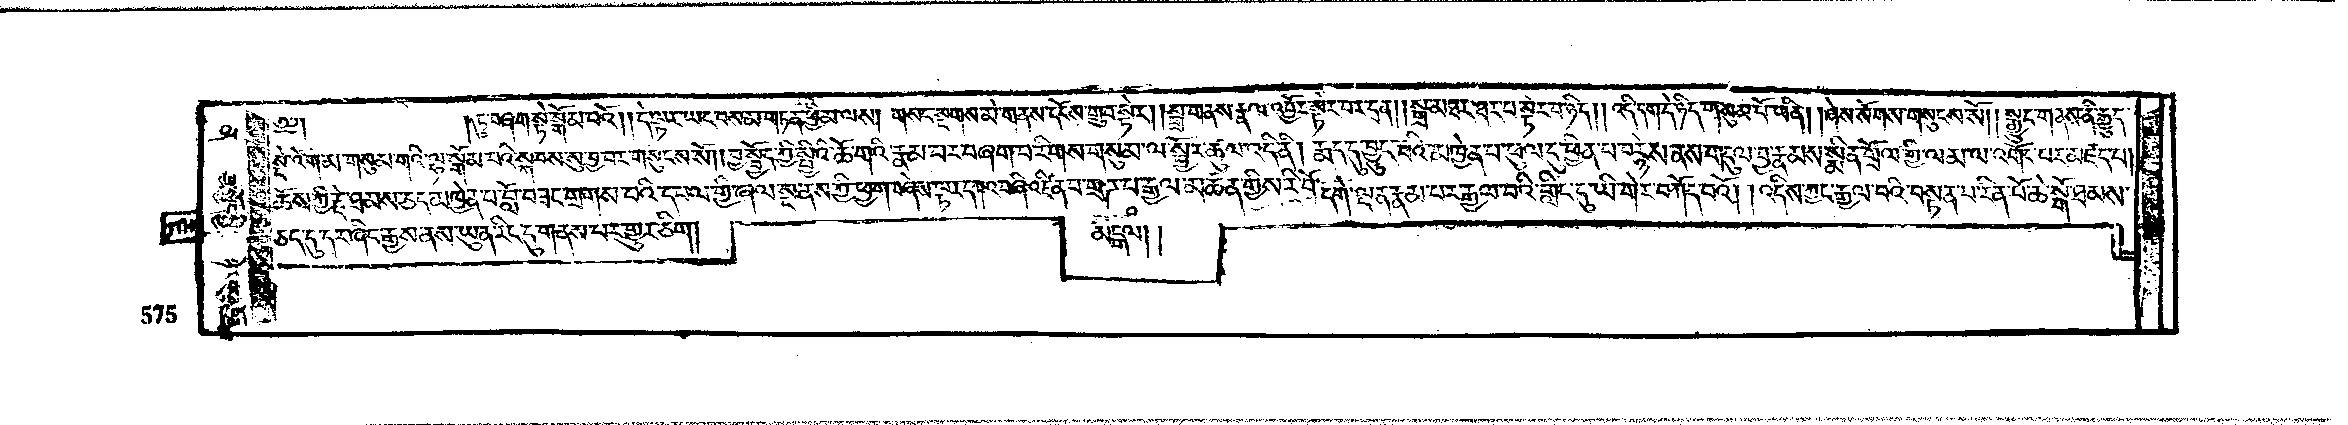༄༅། །ཏུ་བཞག་སྟེ་སྒོམ་པའོ། །དེ་ལྟར་ཡང་བསམ་གཏན་ཕྱི་མ་ལས། གསང་སྔགས་མེ་གནས་དངོས་གྲུབ་སྟེར། །སྒྲ་གནས་རྣལ་འབྱོར་སྟེར་བར་དྲན། །སྒྲ་མཐར་ཐར་པ་སྟེར་བ་ཉིད། །འདི་དག་དེ་ཉིད་གསུམ་པོ་ཡིན། །ཞེས་སོགས་གསུངས་སོ། །སྨྱུང་གནས་ནི་རྒྱུད་
སྡེ་འོག་མ་གསུམ་གའི་ལྷ་སྒོམ་པའི་སྐབས་སུ་བྱ་བར་གསུངས་སོ། །བྱ་སྤྱོད་ཀྱི་སྤྱིའི་ཆོ་གའི་རྣམ་པར་བཞག་པ་རིགས་གསུམ་ལ་སྦྱོར་ཚུལ་འདི་ནི། རྨད་དུ་བྱུང་བའི་མཁྱེན་པ་ཕུལ་དུ་ཕྱིན་པ་བརྙེས་ནས་གདུལ་བྱ་རྣམས་སྨིན་གྲོལ་གྱི་ལམ་ལ་འགོད་པར་མཛད་པ།
ཆོས་ཀྱི་རྗེ་ཐམས་ཅད་མཁྱེན་པ་བློ་བཟང་གྲགས་པའི་དཔལ་གྱི་ཞལ་སྔ་ནས་ཀྱི་ཕྱག་བཞེས་ལྟར་དཀའ་བཞི་འཛིན་པ་གྲགས་པ་རྒྱལ་མཚན་གྱིས་རི་བོ་དགེ་ལྡན་རྣམ་པར་རྒྱལ་བའི་གླིང་དུ་ཡི་གེར་བཀོད་པའོ། །འདིས་ཀྱང་རྒྱལ་བའི་བསྟན་པ་རིན་པོ་ཆེ་སྒོ་ཐམས་
ཅད་དུ་དར་ཞིང་རྒྱས་ནས་ཡུན་རིང་དུ་གནས་པར་གྱུར་ཅིག ། མངྒླཾ། །